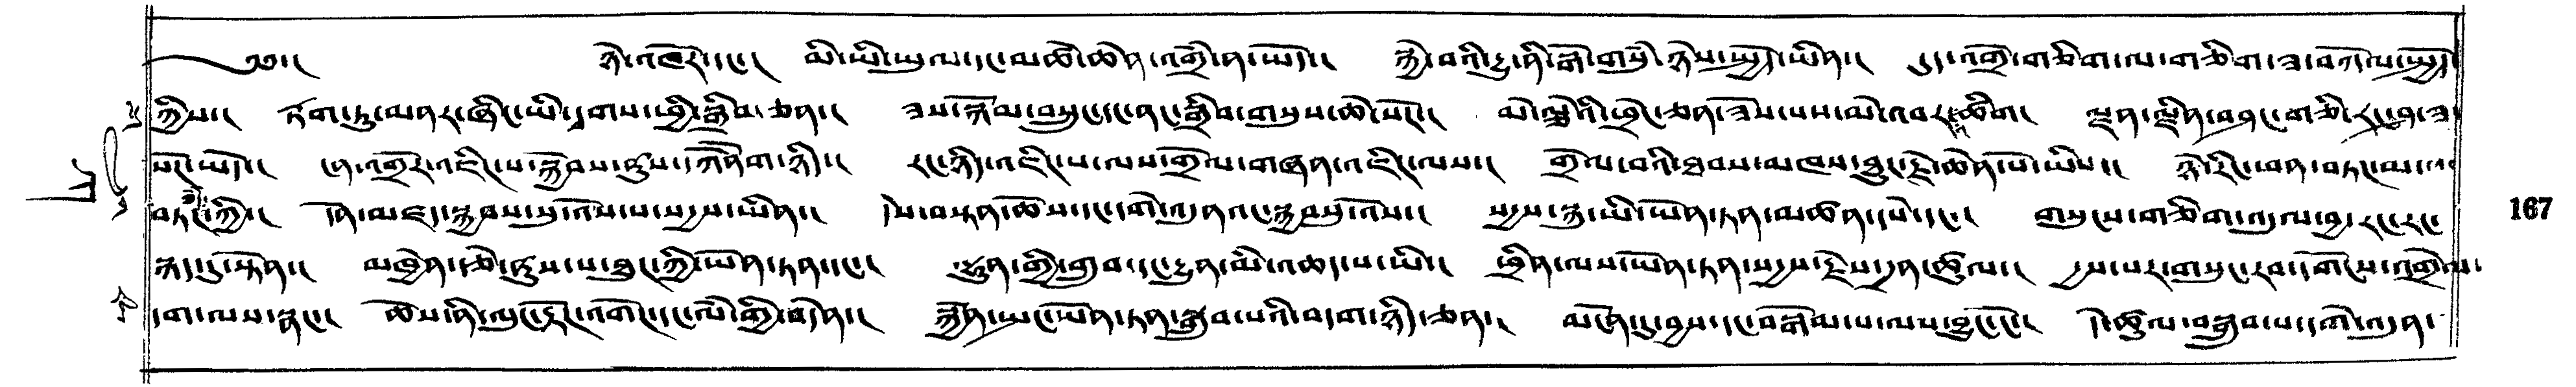ཉེ་འཁོར་དང་། །མི་ཡི་ཡུལ་དང་མཚོ་ཆེན་འགྲམ་ན་ཡོད། །སྐྱེ་བའི་རྒྱུ་ནི་སྒོ་གསུམ་ཉེས་སྤྱོད་ཡིན། །དུད་འགྲཽ་གཅིག་ལ་གཅིག་ཟ་བཀོལ་སྤྱོད་
ཀྱིས། །རྟག་ཏུ་མནར་ཞིང་ཡི་དྭགས་ཕྱི་སྒྲིབ་ཅན། །ཟས་སྐོམ་བསྲུང་དང་ནང་སྒྲིབ་གསུས་ཆེ་སོགས། །མེ་ལྕེའི་ཕྲེང་ཅན་ཟོས་པས་མེ་འབར་འཚིག །ལྗན་ལྗིན་བཤང་གཅི་རང་ཤ་ཟ་
སོགས་ཡོད། །ངན་འགྲོར་འཇིགས་པ་སྐྱོབས་ནུས་དཀོན་མཆོག་ཉིད། །རང་ཉིད་འཇིགས་པ་ལས་གྲོལ་གཞན་འཇིགས་ལས། །གྲོལ་བའི་ཐབས་མཁས་ཐུགས་རྗེ་ཆེན་པོ་ཡིས། །ཉེ་རིང་ཕན་བཏགས་མ་
བཏགས་ཐམས་ཅད་ཀྱི། །དོན་མཛད་སྐྱབས་སུ་འོས་པ་སངས་རྒྱས་ཡིན། །དེས་བསྟན་ཆོས་དང་དགེ་འདུན་སྐྱབས་སུ་འོས། །སངས་རྒྱས་སྐུ་ཡི་ཡོན་ཏན་མཚན་དཔེ་དང་། །གསུངས་གཅིག་གདུལ་བྱ་རང་རང་
སྐད་དུ་སྟོན། །མཁྱེན་རྩེ་ནུས་པ་ཐུགས་ཀྱི་ཡོན་ཏན་དང་། །ལྷུན་གྱི་གྲུབ་དང་རྒྱུན་མི་འཆད་པ་ཡི། །ཕྲིན་ལས་ཡོན་ཏན་སངས་རྒྱས་རྗེས་དྲན་ཚུལ། །རྒྱས་པར་གསུང་རབ་དགོངས་འགྲེལ་
དག་ལས་སྣང་། །ཆོས་ནི་ལུང་རྟོགས་འགོག་དང་ལམ་གྱི་བདེན། །སྐྱོན་སྤངས་ཡོན་ཏན་སྒྲུབ་པའི་བདག་ཉིད་ཅན། །མངོན་དུ་བྱས་དང་བསྒོམ་པ་ལས་བྱུང་ངོ་། །དེ་ཚུལ་བསྒྲུབ་པ་དགེ་འདུན་